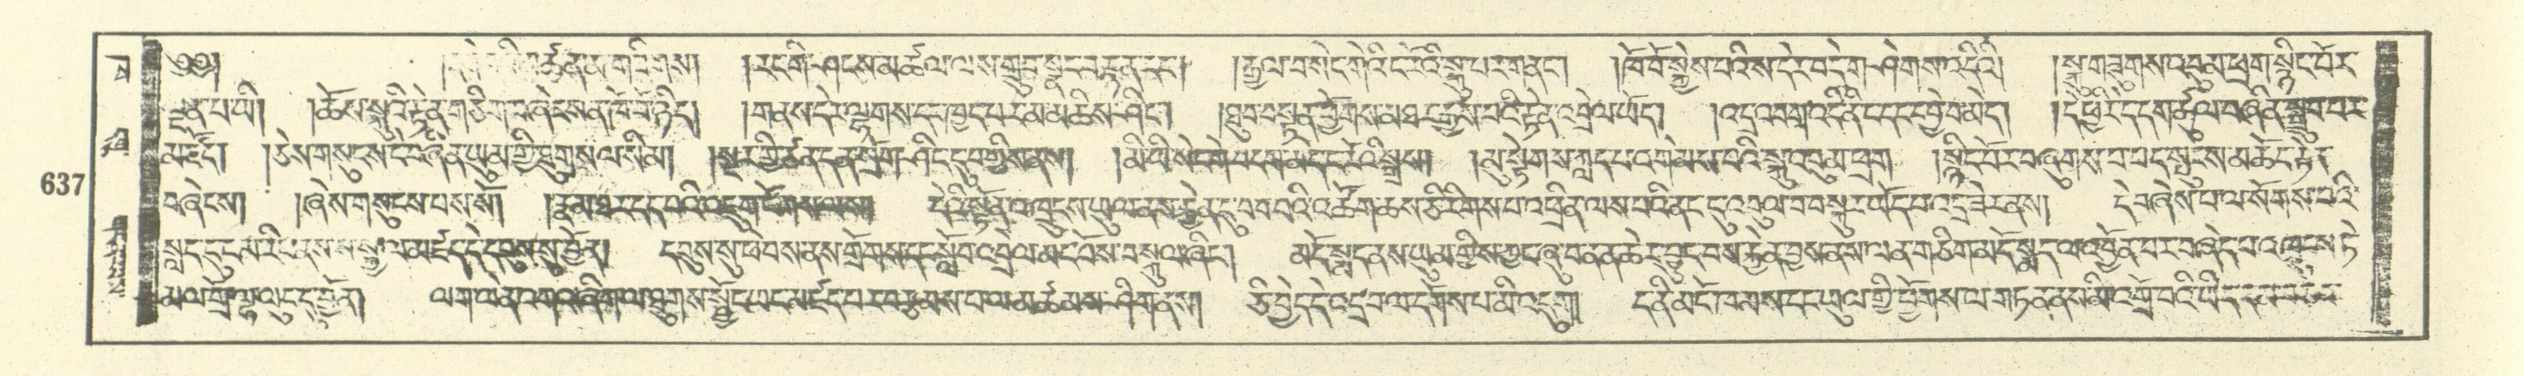༄༅། །དགེ་བའི་མཚན་མ་གཟིགས། །རང་གི་ཤངས་མཚལ་ལས་གྲུབ་སྣང་བརྙན་དང་། །རྒྱལ་བ་སེང་གེའི་ང་རོའི་སྐུ་པར་གནང་། །ཁོ་བོ་སྐྱེས་པའི་ས་དེར་བདེ་གཤེགས་འདིའི། །སྐུ་གཟུགས་འབུམ་ཕྲག་སྙིང་པོར་
ལྡན་པ་ཡི། །ཆོས་སྐུའི་རྟེན་གཅིག་བཞེངས་ན་ཁོ་བོ་ཉིད། །གནས་དེར་ལྷགས་དང་ཁྱད་པར་མ་མཆིས་ཤིང་། །ཐུབ་བསྟན་ཕྱོགས་མཐར་རྒྱས་པའི་རྟེན་འབྲེལ་ཡོད། །འདྲ་འབག་འདི་ནི་ང་དང་དབྱེ་བ་མེད། །དེ་ཕྱིར་དེ་དག་ཚུལ་བཞིན་སྒྲུབ་པར་
མཛོད། །ཅེས་གསུངས་དེ་བཞིན་ཡུམ་གྱི་ཐུགས་ལ་སིམ། །སྔར་གྱི་ཙན་དན་སྲོག་ཤིང་དུ་བགྱིས་ནས། །མི་ཡི་སེང་གེ་བདག་མེད་ང་རོའི་སྒྲས། །མུ་སྟེགས་ཀླད་པ་འགེམས་པའི་སྐུ་འབུམ་ཕྲག །སྙིང་པོར་བཞུགས་པ་བད་སྤུངས་མཆོད་རྟེན་
བཞེངས། །ཞེས་གསུངས་པས་སོ། །རྣམ་ཐར་དད་པའི་འཇུག་ངོགས་ལས། དེའི་སྟོན་འཁྲུངས་ཡུལ་ནས་རྐྱེན་དུ་བབ་བའི་འཚོག་ཆས་ཅི་རིགས་པ་འཕྲིན་ལས་པའི་ནང་དུ་འབུལ་བ་བསྐུར་ཡོད་པ་འདྲ་ཟེར་ནས། དེ་བཞེས་པ་ལ་སོགས་པའི་
སླད་དུ་ངམ་རིང་ནས་ས་སྐྱ་ལ་མཛད་དེ་དབུས་སུ་བྱོན། དབུས་སུ་ཕེབས་ནས་གྲོགས་དང་སློབ་འབྲེལ་མང་པོས་བསྐུལ་ཞིང་། མདོ་སྨད་ནས་ཡུམ་གྱིས་ཀྱང་ཞུ་བ་ནན་ཆེར་བྱུང་བས་རྐྱེན་བྱས་ནས་ལན་གཅིག་མདོ་སྨད་ལ་འབྱོན་པར་བཞེད་པ་འཁྲུངས་ཏེ་
མལ་གྲོ་ལྷ་ལུང་དུ་བྱོན། ལག་ལེན་འགའ་ཞིག་ལ་ཐུགས་སྦྱོང་ཡང་མཛད་པར་བརྩམས་པ་ལ་མཚམས་ཤིག་ནས། ཅི་བྱེད་དེ་འདྲ་བ་ལ་དོགས་པ་མི་འདུག། ད་ནི་མདོ་ཁམས་དང་ཡུལ་གྱི་ཕྱོགས་ལ་གཏན་ནས་མི་འགྲོ་བའི་ཡིད་དམ་བཅའ་